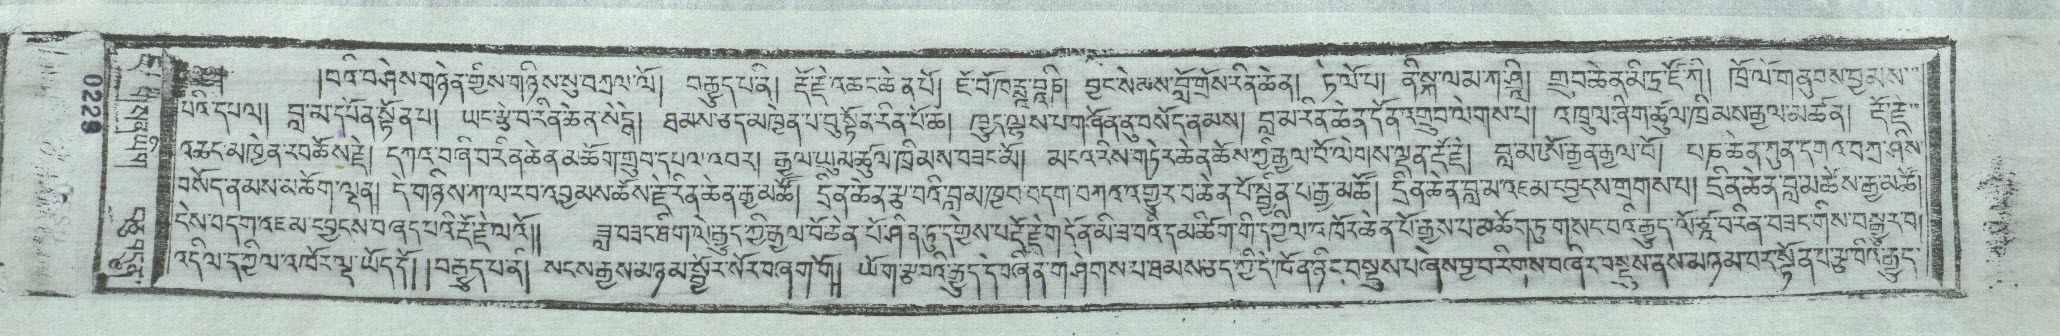༄༅། །བའི་བཤེས་གཉེན་གྱིས་གཉིས་སུ་བཀྲལ་ལོ། བརྒྱུད་པ་ནི། རྡོ་རྗེ་འཆང་ཆེན་པོ། ཇོ་བོ་ཁརྶཱ་བཱ་ཎི། བྱང་སེམས་བློ་གྲོས་རིན་ཆེན། ཏེ་ལོ་པ། ནི་སྐ་ལ་མ་ཀ་ཤྲཱི། གྲུབ་ཆེན་མི་ཏྲ་ཛོ་ཀི། ཁྲོ་ལོ་གནུབས་བྱམས་
པའི་དཔལ། བླ་མ་དཔོན་སྟོན་པ། ཡང་རྩེ་བ་རིན་ཆེན་སེངྒེ། ཐམས་ཅད་མཁྱེན་པ་བུ་སྟོན་རིན་པོ་ཆེ། ཁྱུད་ལྷས་པ་གཞོན་ནུ་བསོད་ནམས་བླ་མ་རིན་ཆེན་དོན་འགྲུབ་ལེགས་པ། འཁྲུལ་ཞིག་ཚུལ་ཁྲིམས་རྒྱལ་མཚན། རྡོ་རྗེ་
འཆང་མཁྱེན་རབ་ཆོས་རྗེ། དཀའ་བཞི་བ་རིན་ཆེན་མཆོག་གྲུབ་དཔལ་འབར། རྒྱལ་ཡུམ་ཚུལ་ཁྲིམས་བཟང་མོ། མངའ་རིས་གཏེར་ཆེན་ཆོས་ཀྱི་རྒྱལ་པོ་ལེགས་ལྡན་རྡོ་རྗེ། བླ་མ་ཨོ་རྒྱན་རྒྱལ་པོ། པཎ་ཆེན་ཀུན་དགའ་བཀྲ་ཤིས་
བསོད་ནམས་མཆོག་ལྡན། དེ་གཉིས་ཀ་ལ་རབ་འབྱམས་ཆོས་རྗེ་རིན་ཆེན་རྒྱ་མཚོ། དྲིན་ཆེན་རྩ་བའི་བླ་མ་ཁྱབ་བདག་བཀའ་འགྱུར་བ་ཆེན་པོ་སྦྱིན་པ་རྒྱ་མཚོ། དྲིན་ཆེན་བླ་མ་འཇམ་དབྱངས་གྲགས་པ། དྲིན་ཆེན་བླ་མ་ཆོས་རྒྱ་མཚོ།
དེས་བདག་འཇམ་དབྱངས་བཞད་པའི་རྡོ་རྗེ་ལའོ།། ཟླ་བཟང་ཐིག་ལེ་རྒྱུད་ཀྱི་རྒྱལ་བོ་ཆེན་པོ་ཤིན་ཏུ་དགྱེས་པ་རྡོ་རྗེ་གདོན་མི་ཟ་བའི་དམ་ཚིག་གི་དཀྱིལ་འཁོར་ཆེན་པོ་རྒྱས་པ་མཆོག་ཏུ་གསང་བའི་རྒྱུད་ལོ་ཙཱ་བ་རིན་བཟང་གིས་བསྒྱུར་བ།
འདིལ?་དཀྱིལ་འཁོར་ལྔ་ཡོད་དོ། །བརྒྱུད་པ་ནི། སངས་རྒྱས་མཉམ་སྦྱོར་སོར་བཞག་གོ། ཡོ་ག་རྩ་བའི་རྒྱུད་དེ་བཞིན་གཤེགས་པ་ཐམས་ཅད་ཀྱི་དེ་ཁོ་ན་ཉིད་བསྡུས་པ་ཞེས་བྱ་བ་རིགས་བཞིར་བསྡུས་ནས་མཉམ་པར་སྟོན་པ་རྩ་བའི་རྒྱུད་